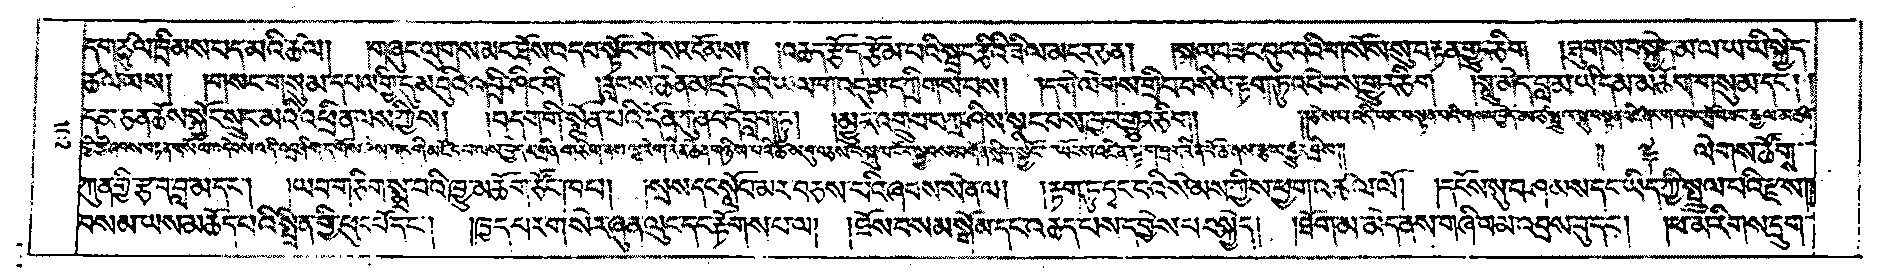དག་ཚུལ་ཁྲིམས་པད་མའི་ཚལ། །གཞུང་ལུགས་མང་ཐོས་འདབ་སྟོང་གེ་སར་ངོམས། །འཆད་རྩོད་རྩོམ་པའི་སྦྲང་རྩིའི་ཟིལ་མངར་ཅན། །སྐལ་བཟང་བུང་བའི་གསོས་སུ་བརྟན་གྱུར་ཅིག །ཐུགས་བསྐྱེད་མ་ལ་ཡ་ཡི་སྐྱེད་
ཚལ་ལས། །གསང་གསུམ་དཔལ་གྱི་དུམ་བུའི་འཁྲི་ཤིང་གི །རླབས་ཆེན་མཛད་པའི་ཡལ་ག་འབུམ་དཀྲིགས་པས། །དགེ་ལེགས་གྲིབ་བསིལ་རྟག་ཏུ་འབེབས་གྱུར་ཅིག །སླུ་མེད་བླ་མ་ཡི་དམ་མཆོག་གསུམ་དང་། །
དམ་ཅན་ཆོས་སྐྱོང་སྲུང་མའི་འཕྲིན་ལས་ཀྱིས། །བདག་གི་སྨོན་པའི་དོན་ཀུན་བདེ་བླག་ཏུ། །མྱུར་འགྲུབ་བཀྲ་ཤིས་སྣང་བས་ཁྱབ་གྱུར་ཅིག ། །།ཅེས་པ་འདི་ཡང་བསྟན་པའི་གསལ་བྱེད་ཨ་ཙ་སྤྲུལ་སྐུ་བསྟན་འཛིན་ངག་དབང་བློ་བཟང་རྒྱལ་མཚན་
གྱི་གྱི་ཞབས་བརྟན་གསོལ་འདེབས་འདི་འདྲ་ཞིག་དགོས་ཞེས་གང་གི་མཛོད་པ་ལས་བྱེད་མགྲིན་གཅིག་ནས་ལྷ་རེག་རིན་ཆེན་གཉིས་པའི་ཚམ་བུ་བཅས་བསྐུལ་ངོར་སྐྱབས་མགོན་སྲིད་སྐྱོང་ཡོངས་འཛིན་སྟག་བྲག་རིན་པོ་ཆེ་ནས་རྩལ་གྱུར་བྲིས།། །། ༈ ལེགས་ཚོགས་
ཀུན་གྱི་རྩ་བ་བླ་མ་དང་། །ཡབ་གཅིག་སྨྲ་བའི་ཁྱུ་མཆོག་ཙོང་ཁ་པ། །སྲས་དང་སློབ་མར་བཅས་པའི་ཞབས་སེན་ལ། །རྟག་ཏུ་དྭང་བའི་སེམས་ཀྱིས་ཕྱག་འཚལ་ལོ། །དངོས་སུ་བཤམས་དང་ཡིད་ཀྱི་སྤྲུལ་པའི་རྫས།།
བསམ་ཡས་མཆོད་པའི་སྤྲིན་གྱི་ཕུང་པོ་དང་། །ཁྱད་པར་གསེར་ཞུན་ལུང་དང་རྟོགས་པ་ལ། །ཐོས་བསམ་སྒོམ་དང་འཆད་པས་དགྱེས་པ་བསྐྱེད། །ཐོག་མ་མེད་ནས་གཞི་ལམ་འབྲས་བུ་དང་། །ཕ་མ་རིགས་དྲུག་